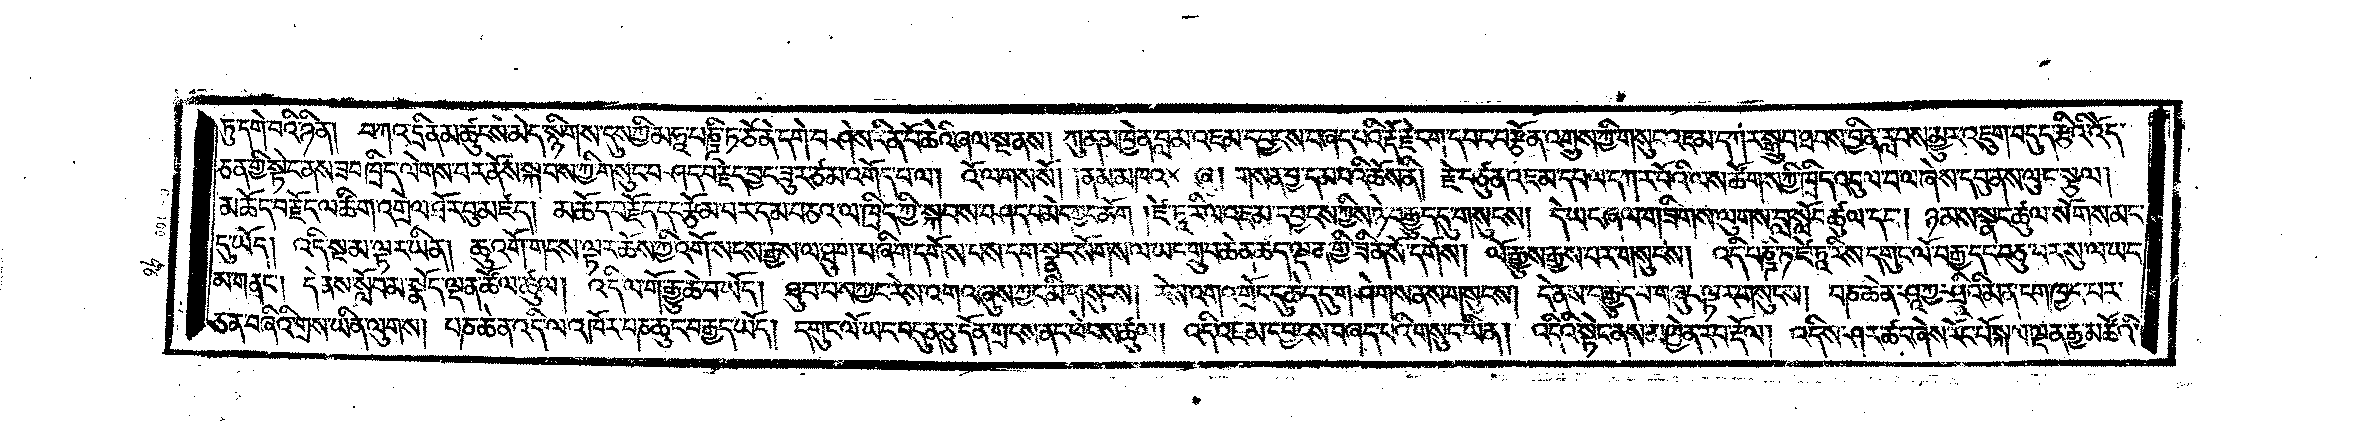བཀའ་དྲིན་མཚུངས་མེད་སྙིགས་དུས་ཀྱི་མཧཱ་པཎྜི་ཏ་ཅོ་ནེ་དགེ་བཤེས་རིན་པོ་ཆེའི་ཞལ་སྔ་ནས། ཀུན་མཁྱེན་བླ་མ་འཇམ་དབྱངས་བཞད་པའི་རྡོ་རྗེ་ངག་དབང་བརྩོན་འགྲུས་ཀྱི་གསུང་འཇམ་དཀར་སྒྲུབ་ཐབས་བྱིན་རླབས་མྱུར་འཇུག་བདུད་རྩིའི་
འོད་ཅན་གྱི་སྟེང་ནས་ཟབ་ཁྲིད་ལེགས་པར་ནོས་སྐབས་ཀྱི་གསུང་བཤད་བརྗེད་བྱང་ཟུར་ཙམ་འགོད་པ་ལ། འོ་ལགས་སོ། །ནམ་མཁའ་྾་ཞུ། གསན་བྱ་དམ་པའི་ཆོས་ནི། རྗེ་བཙུན་འཇམ་དཔལ་དཀར་པོའི་ལས་ཚོགས་ཀྱི་ཁྲིད་འབུལ་བ་ལ་ཞེས་དབུ་ནས་ལུང་སྩལ།
མཆོད་བརྗོད་ལ་ཚིག་འགྲེལ་ཐོར་བུ་མཛད། མཆོད་བརྗོད་དང་རྩོམ་པར་དམ་བཅའ་ལ་ཁྲིད་ཀྱི་སྐབས་བཤད་པ་མེད་ཀྱང་ཆོག །ཛེ་ཏཱ་རི་ལ་འཇམ་དབྱངས་ཀྱིས་ཉེ་བརྒྱུད་དུ་གསུངས། དེ་ལང་ཞལ་གཟིགས་ལུགས་བླ་སློབ་ཚུལ་དང་། ཉམས་སྣང་ཚུལ་སོགས་
མང་དུ་ཡོད། འདི་སྔ་མ་ལྟར་ཡིན། ཆུ་འགོ་གསང་ལྟར་ཆོས་ཀྱི་འགོ་སངས་རྒྱས་ལ་ཐུག་པ་ཞིག་དགོས་པས་དག་སྣང་སོགས་ལ་ཡང་གྲུབ་ཆེན་ཚད་ལྡན་གྱི་ཟིན་སོ་དགོས། ལོ་རྒྱུས་རྒྱས་པར་གསུངས། འདི་པཎྜི་ཏཱ་ཛེ་ཏཱ་རིས་དགུང་ལོ་བརྒྱད་དང་བཅུ་བར་སུ་ལ་
ཡང་མ་གནང་། དེ་ནས་སློབ་མ་སྣོད་ལྡན་ཚོལ་ཚུལ། འདི་ལ་གོ་རྒྱུ་ཆེ་བ་ཡོད། ཐུབ་པས་ཀྱང་རེས་འགའ་ཞུས་ཀྱང་མི་གསུངས། རེས་འགའ་གྲོང་དུ་ཆེད་དུ་གཤེགས་ནས་གསུངས། དེ་ནས་བརྒྱད་པ་གཞུང་ལྟར་གསུངས། པཎ་ཆེན་ཤུཀྱ་ཤྲཱིའི་མན་མན་ངག་ཁྱད་པར་ཅན་
བཞིའི་གྲས་ཡིན་ལུགས། པཎ་ཆེན་འདི་ལ་འཁོར་པཎ་ཆུང་བརྒྱད་ཡོད། དགུང་ལོ་ཡང་བདུན་བཅུ་དོན་གྲངས་ནང་ཕེབས་ཚུལ། འདི་འཇམ་དབྱངས་བཞད་པའི་གསུངས་ཡིན། འདིའི་སྟེང་ནས་མཁྱེན་རབ་རྡོལ། འདིས་ཤར་ཚང་ཞེས་དང་པོ་སྐལ་ལྡན་རྒྱ་མཚོའི་